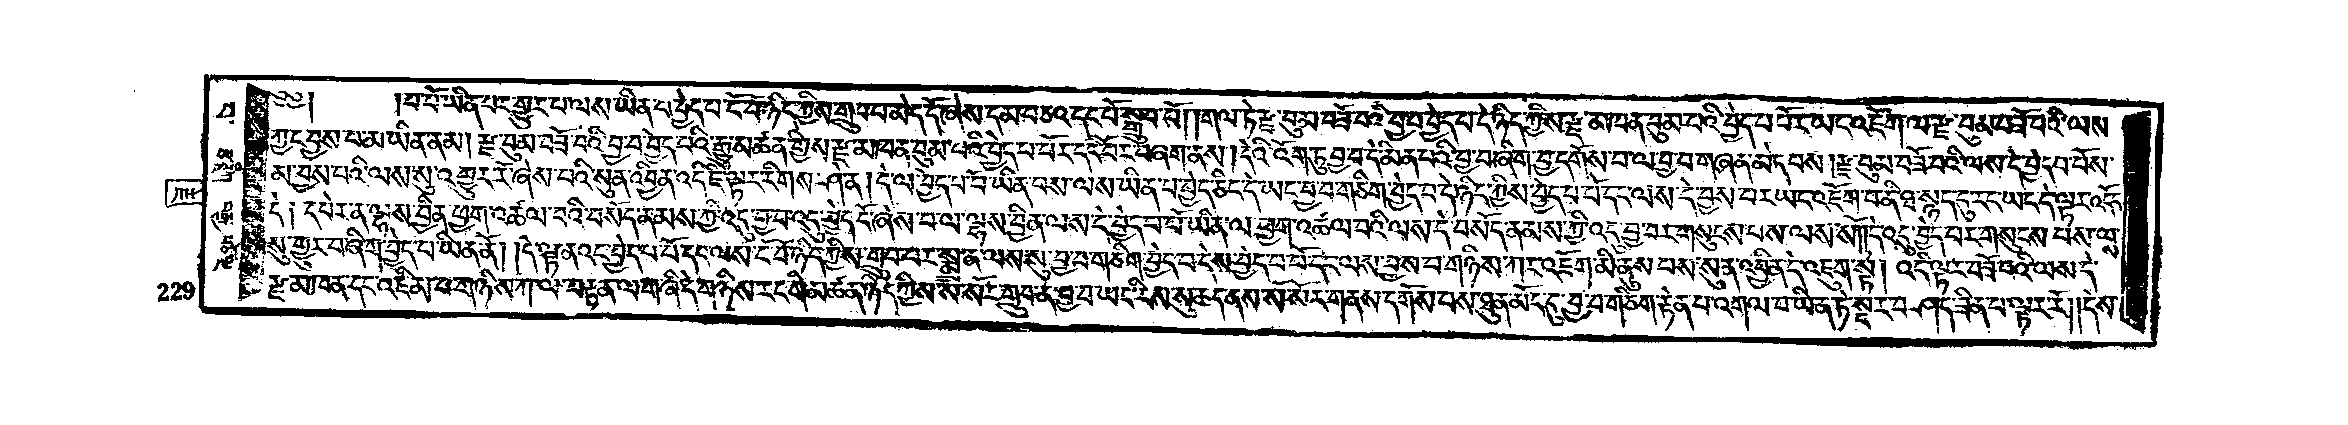༄༅། །པ་པོ་ཡིན་པར་གྱུར་པ་ལས་ཡིན་པ་བྱེད་པ་ངོ་བོ་ཉིད་ཀྱིས་གྲུབ་པ་མེད་དོ་ཞེས་དམ་བཅའ་དང་པོ་སྒྲུབ་བོ། །གལ་ཏེ་ཛ་བུམ་བཟོ་བའི་བྱ་བ་བྱེད་པ་དེ་ཉིད་ཀྱིས་རྫ་མཁན་བུམ་པའི་བྱེད་པ་པོར་ཡང་འཇོག་ལ་རྫ་བུམ་བཟོ་བའི་ལས་
ཀྱང་བྱས་པ་མ་ཡིན་ནམ། རྫ་བུམ་བཟོ་བའི་བྱ་བ་བྱེད་པའི་རྒྱུ་མཚན་གྱིས་རྫ་མཁན་བུམ་པའི་བྱེད་པ་པོར་དང་པོར་བཞག་ནས། དེའི་འོག་ཏུ་བྱ་བ་དེ་མིན་པའི་བྱ་བ་ཞིག་བྱ་དགོས་པ་ལ་བྱ་བ་གཞན་མེད་པས། རྫ་བུམ་བཟོ་བའི་ལས་དེ་བྱེད་བ་པོས་
མ་བྱས་པའི་ལས་སུ་འགྱུར་རོ་ཞེས་པའི་སུན་འབྱིན་འདི་ཇི་ལྟར་རིགས་ཤེ་ན། དེ་ལ་བྱེད་པ་པོ་ཡིན་པས་ལས་ཡིན་པ་བྱེད་ཅིང་དེ་ཡང་བྱ་བ་གཅིག་བྱེད་པ་དེ་ཉིད་ཀྱིས་བྱེད་པ་པོ་དང་ལས་དེ་བྱས་པར་ཡང་འཇོག་པ་ནི་ཐ་སྙད་དུ་རང་ཡང་དེ་ལྟར་འདོད་
དེ༑ དཔེར་ན་ལྷས་བྱིན་ཕྱག་འཚལ་བའི་བསོད་ནམས་ཀྱི་འདུ་བྱ་བ་འདུ་བྱེད་དོ་ཞེས་པ་ལ་ལྷས་བྱིན་ལས་དེ་བྱེད་པ་པོ་ཡིན་ལ་ཕྱག་འཚལ་པའི་ལས་དེ་བསོད་ནམས་ཀྱི་འདུ་བྱ་བར་གསུངས་པས་ལས་སོ། །དེ་འདུ་བྱེད་པར་གསུངས་པས་ལས་
སུ་གྱུར་པ་ཞིག་བྱེད་པ་ཡིན་ནོ། །དེ་ལྟ་ནའང་བྱེད་པ་པོ་དང་ལས་ངོ་བོ་ཉིད་ཀྱིས་གྲུབ་པར་སྨྲ་ན་ལས་སུ་བྱ་བ་གཅིག་བྱེད་པ་དེས་བྱེད་པ་པོ་དང་ལས་བྱས་པ་གཉིས་ཀར་འཇོག་མི་ནུས་པས་སུན་འབྱིན་དེ་འཇུག་སྟེ། འདི་ལྟར་བཟོ་བའི་ལས་དེ་
རྫ་མཁན་དང་འཇིམ་པ་གཉིས་ཀ་ལ་བརྟན་ལ་གཞི་དེ་གཉིས་རང་གི་མཚན་ཉིད་ཀྱིས་སོ་སོར་གྲུབ་ན་བྱ་བ་ཡང་རིས་སུ་ཆད་ནས་སོ་སོར་གནས་དགོས་པས་ཐུན་མོང་དུ་བྱ་བ་གཅིག་རྟེན་པ་འགལ་བ་ཡིན་ཏེ་སྔར་བཤད་ཟིན་པ་ལྟར་རོ། །དེས་